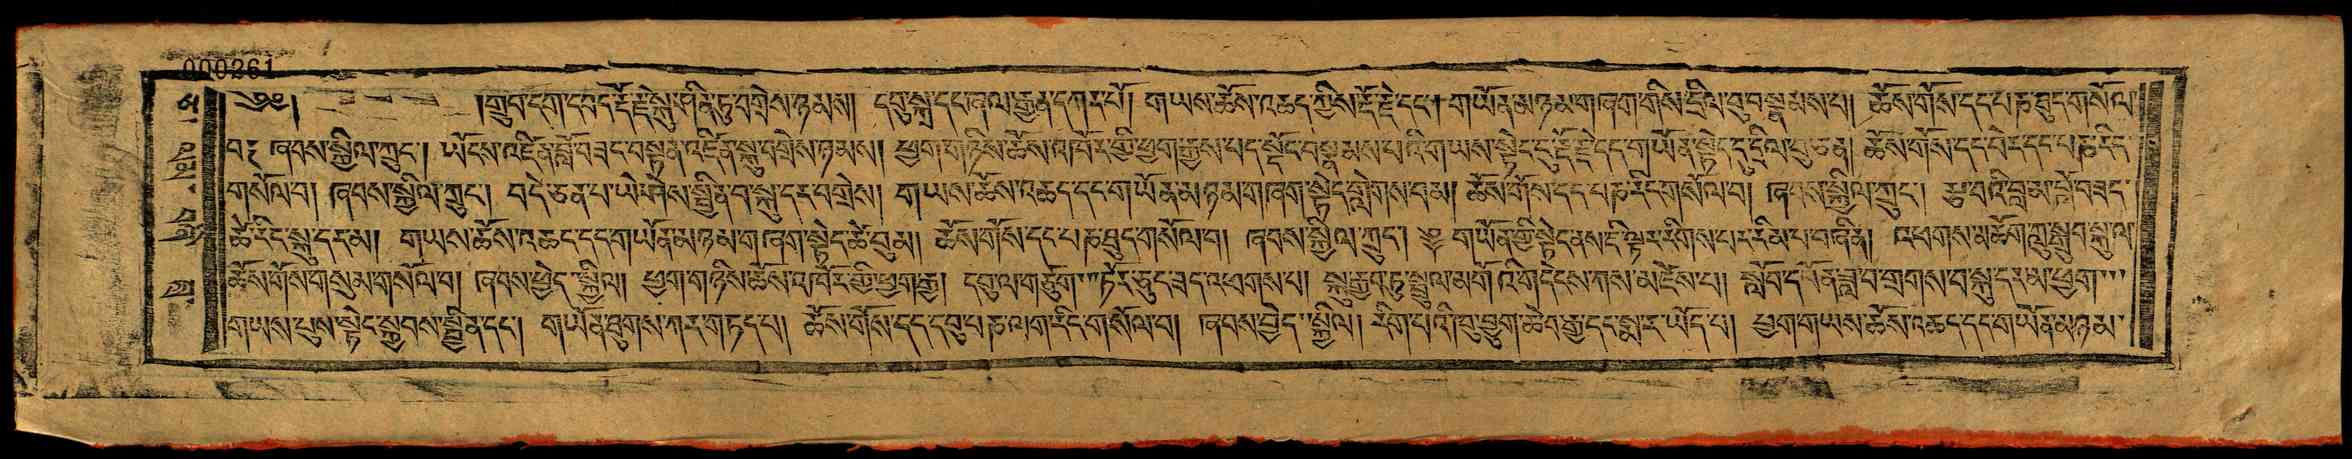༄༅། །གྲུབ་ངག་དབང་རྡོ་རྗེ་སྐུ་ཤིན་ཏུ་བགྲེས་ཉམས། དབུ་སྐྲ་དང་ཞལ་རྒྱན་དཀར་པོ། གཡས་ཆོས་འཆད་ཀྱིས་རྡོ་རྗེ་དང་། གཡོན་མཉམ་གཞག་གིས་དྲིལ་བུ་བསྣམས་པ། ཆོས་གོས་དང་པཎ་ཐུང་གསོལ་
པ༑ ཞབས་སྐྱིལ་ཀྲུང་། ཡོངས་འཛིན་བློ་བཟང་བསྟན་འཛིན་སྐུ་བགྲེས་ཉམས། ཕྱག་གཉིས་ཆོས་འཁོར་གྱི་ཕྱག་རྒྱས་པད་སྡོང་བསྣམས་པའི་གཡས་སྟེང་དུ་རྡོ་རྗེ་དང་གཡོན་སྟེང་དུ་དྲིལ་བུ་ཅན། ཆོས་གསོ་དང་པོར་དང་པཎ་རིང་
གསོལ་བ། ཞབས་སྐྱིལ་ཀྲུང་། བདེ་ཅན་པ་ཡེ་ཤེས་སྦྱིན་པ་སྐུ་དར་བགྲེས། གཡས་ཆོས་འཆད་དང་གཡོན་མཉམ་གཞག་སྟེང་གླེགས་བམ། ཆོས་གོས་དང་པཎ་རིང་གསོལ་བ། ཞབས་སྐྱིལ་ཀྲུང་། རྩ་བའི་བླ་མ་བློ་བཟང་
ཚེ་རིང་སྐུ་དར་མ། གཡས་ཆོས་འཆད་དང་གཡོན་མཉམ་གཞག་སྟེང་ཚེ་བུམ། ཆོས་གོས་དང་པཎ་ཐུང་གསོལ་བ། ཞབས་སྐྱིལ་ཀྲུང་། འ་གཡོན་གྱི་སྟེང་ནས་ཇི་ལྟར་རིགས་པར་རིམ་པ་བཞིན། འཕགས་མཆོག་ཀླུ་སྒྲུབ་སྐུ་ལ་
ཆོས་གོས་གསུམ་གསོལ་བ། ཞབས་ཕྱེད་་་ཀྱིལ། ཕྱག་གཉིས་ཆོས་འཁོར་གྱི་ཕྱག་རྒྱ། དབུལ་གཙུག་་་ཏོར་ཅུང་ཟད་འཕགས་པ། སྐུ་རྒྱབ་ཏུ་སྦྲུལ་མགོའི་གདངས་ཀས་མཛེས་པ། སློབ་དཔོན་ཟླ་བ་གྲགས་པ་སྐུ་དར་མ་ཕྱག་
གཡས་པུས་སྟེང་སྐྱབས་སྦྱིན་དང་། གཡོན་ཐུགས་ཀར་གཏད་པ། ཆོས་གོས་དང་དབུ་པཎ་ལག་རིང་གསོལ་བ། ཞབས་ཕྱེད་་་བིལ། རིག་པའི་ཁུ་བྱུག་ཆེ་བ་རྒྱ་དང་སྨ་ར་ཡོད་པ། ཕྱག་གཡས་ཆོས་འཆད་དང་གཡོན་མཉམ་